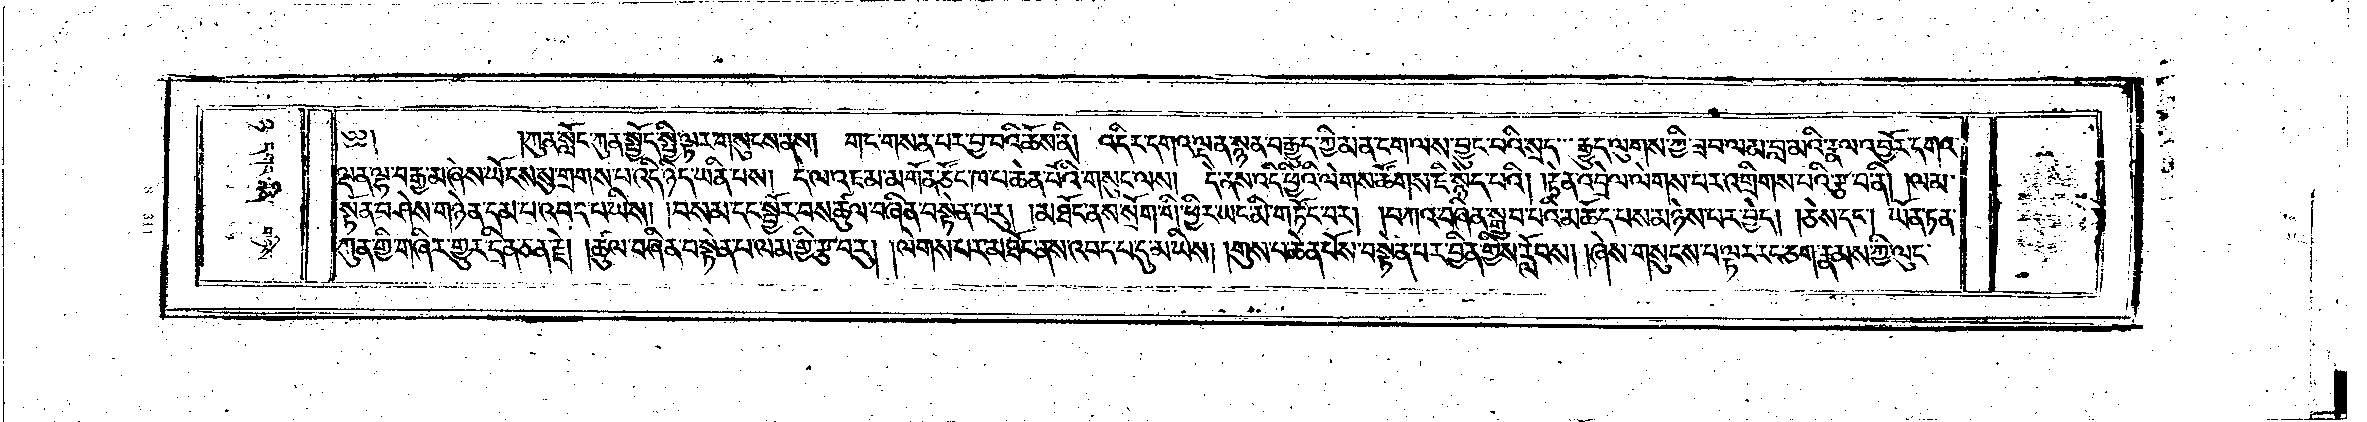༄༅། །ཀུན་སློང་ཀུན་སྤྱོད་སྤྱི་ལྟར་གསུངས་ནས། གང་གསན་པར་བྱ་བའི་ཆོས་ནི། འདིར་དགའ་ལྡན་སྙན་བརྒྱུད་ཀྱི་མན་ངག་ལས་བྱུང་བའི་སྲད་རྒྱུད་ལུགས་ཀྱི་ཟབ་ལམ་བླ་མའི་རྣལ་འབྱོར་དགའ་
ལྡན་ལྷ་བརྒྱ་མ་ཞེས་ཡོངས་སུ་གྲགས་པ་འདི་ཉིད་ཡིན་པས། དེ་ལ་འཇམ་མགོན་ཙོང་ཁ་པ་ཆེན་པོའི་གསུང་ལས། དེ་ནས་འདི་ཕྱིའི་ལེགས་ཚོགས་ཇི་སྙེད་པའི། །རྟེན་འབྲེལ་ལེགས་པར་འགྲིགས་པའི་རྩ་བ་ནི། །ལམ་
སྟོན་བཤེས་གཉེན་དམ་པ་འབད་པ་ཡིས། །བསམ་དང་སྦྱོར་བས་ཚུལ་བཞིན་བསྟེན་པ་རུ། །མཐོང་ནས་སྲོག་གི་ཕྱིར་ཡང་མི་གཏོང་བར། །བཀའ་བཞིན་སྒྲུབ་པའི་མཆོད་པས་མཉེས་པར་བྱེད། །ཅེས་དང་། ཡོན་ཏན་
ཀུན་གྱི་གཞིར་གྱུར་དྲིན་ཅན་རྗེ། །ཚུལ་བཞིན་བསྟེན་པ་ལམ་གྱི་རྩ་བ་རུ། །ལེགས་པར་མཐོང་ནས་འབད་པ་དུ་མ་ཡིས། །གུས་པ་ཆེན་པོས་བསྟེན་པར་བྱིན་གྱིས་རློབས། །ཞེས་གསུངས་པ་ལྟར་རང་ཅག་རྣམས་ཀྱི་ལུང་